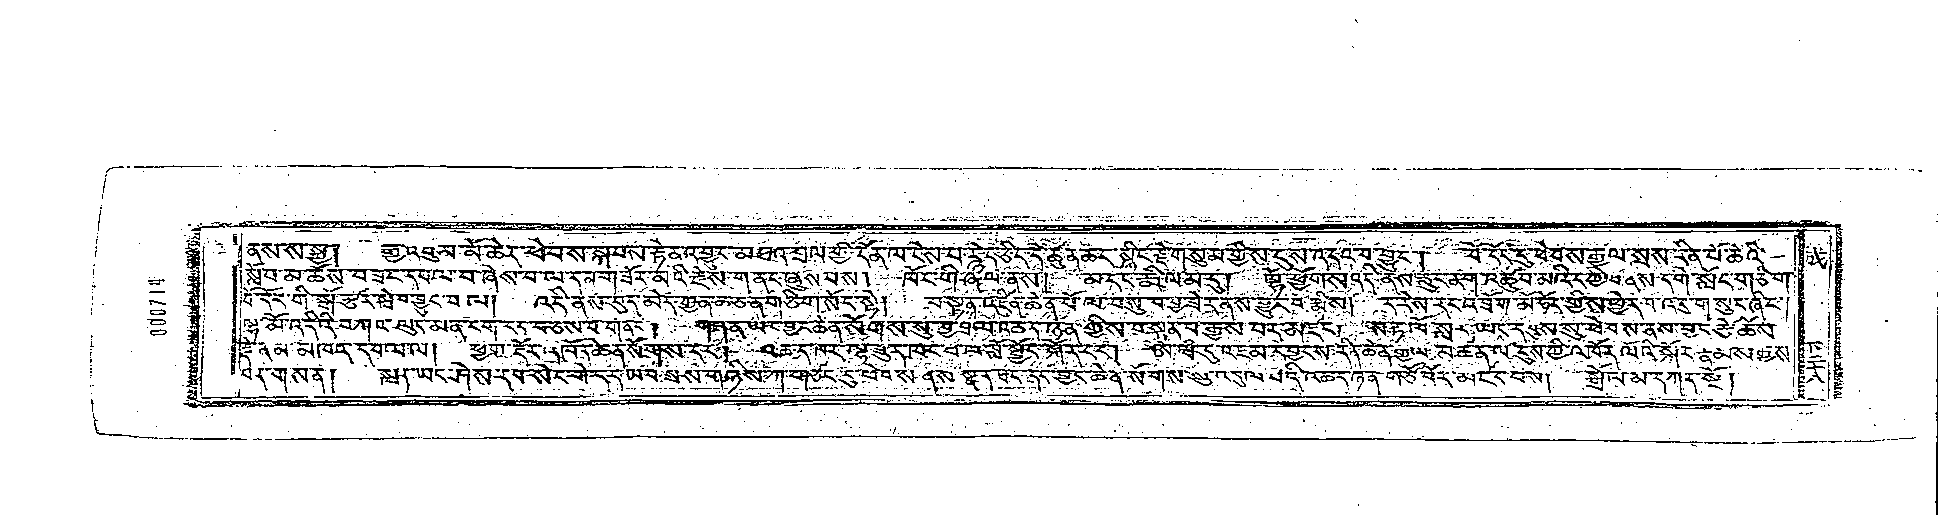ནས་ས་སྐྱ། རྒྱ་འབུམ་མོ་ཆེར་ཕེབས་སྐབས་རྟེན་འབྱུང་མཐའ་བྲལ་གྱི་དོན་ལ་ངེས་པ་རྙེད་ཅིང་དེ་ཚུན་ཆད་སྙིང་རྗེ་གསུམ་གྱིས་དུས་འདའ་བ་བྱུང་། བོ་དོང་དུ་ཕེབས་རྒྱལ་སྲས་རིན་པོ་ཆེའི་
སློབ་མ་ཆོས་བཟང་དཔལ་བ་ཞེས་པ་ལ་དམག་ཟོར་མའི་རྗེས་གནང་ཞུས་པས། ཁོང་གི་ཞལ་ནས། མདང་རྨི་ལམ་དུ། ལྟོ་ཕྱོགས་འདི་ནས་རླུང་ནག་འཚུབ་མའི་དཀྱིལ་ནས་དགེ་སློང་གཅིག་
བོ་དོང་གི་སྒོ་རྩར་སླེབ་བྱུང་བ་ལ། འདི་ནས་བུད་མེད་རྒྱན་ཆ་ཅན་གཅིག་སོང་སྟེ། བསྟན་འཛིན་ཆེན་པོ་ལ་བསུ་བ་བྱ་ཟེར་ནས་བྱུང་བ་རྨིས། ད་རེས་རང་འབྲོག་མོ་ཧོར་གྱིས་ཁྱེར་བ་འདྲ་གསུང་ཞིང་།
ལྷ་མོ་འདིའི་བཀའ་ལུང་མན་ངག་དང་བཅས་པ་གནང་། གཞན་ཡང་བྱང་ཆེན་སོགས་སུ་བྱ་བྲལ་འཆད་ཉན་གྱིས་བསྟན་པ་རྒྱས་པར་མཛད། ས་རྟ་ལོ་སླར་ཡང་དབུས་སུ་ཕེབས་ནས་བྱང་རྩེ་ཆོས་
རྗེ་ནམ་མཁའ་དཔལ་ལ། ཕྱག་རྡོར་འཁོར་ཆེན་སོགས་དང་། འཆད་ཁར་ལྷ་ཟུར་ཁང་པ་ལ་བློ་སྦྱོང་སྐོར་དང་། ཨ་ཝཾ་དུ་འཇམ་དབྱངས་རིན་ཆེན་རྒྱལ་མཚན་ལ་དུས་ཀྱི་འཁོར་ལོའི་སྐོར་རྣམས་རྒྱས་
བར་གསན། སླར་ཡང་ཤེས་རབ་སེང་གེ་དད་ཡབ་སྲས་གཉིས་ཀ་གཙང་དུ་ཕེབས་ནས་སྣར་ཐང་དང་བྱང་ཆེན་སོགས་སུ་འདུལ་བའི་འཆད་ཉན་གཙོ་བོར་མཛད་བས། སྒྲོལ་མ་དཀར་སྔོ།